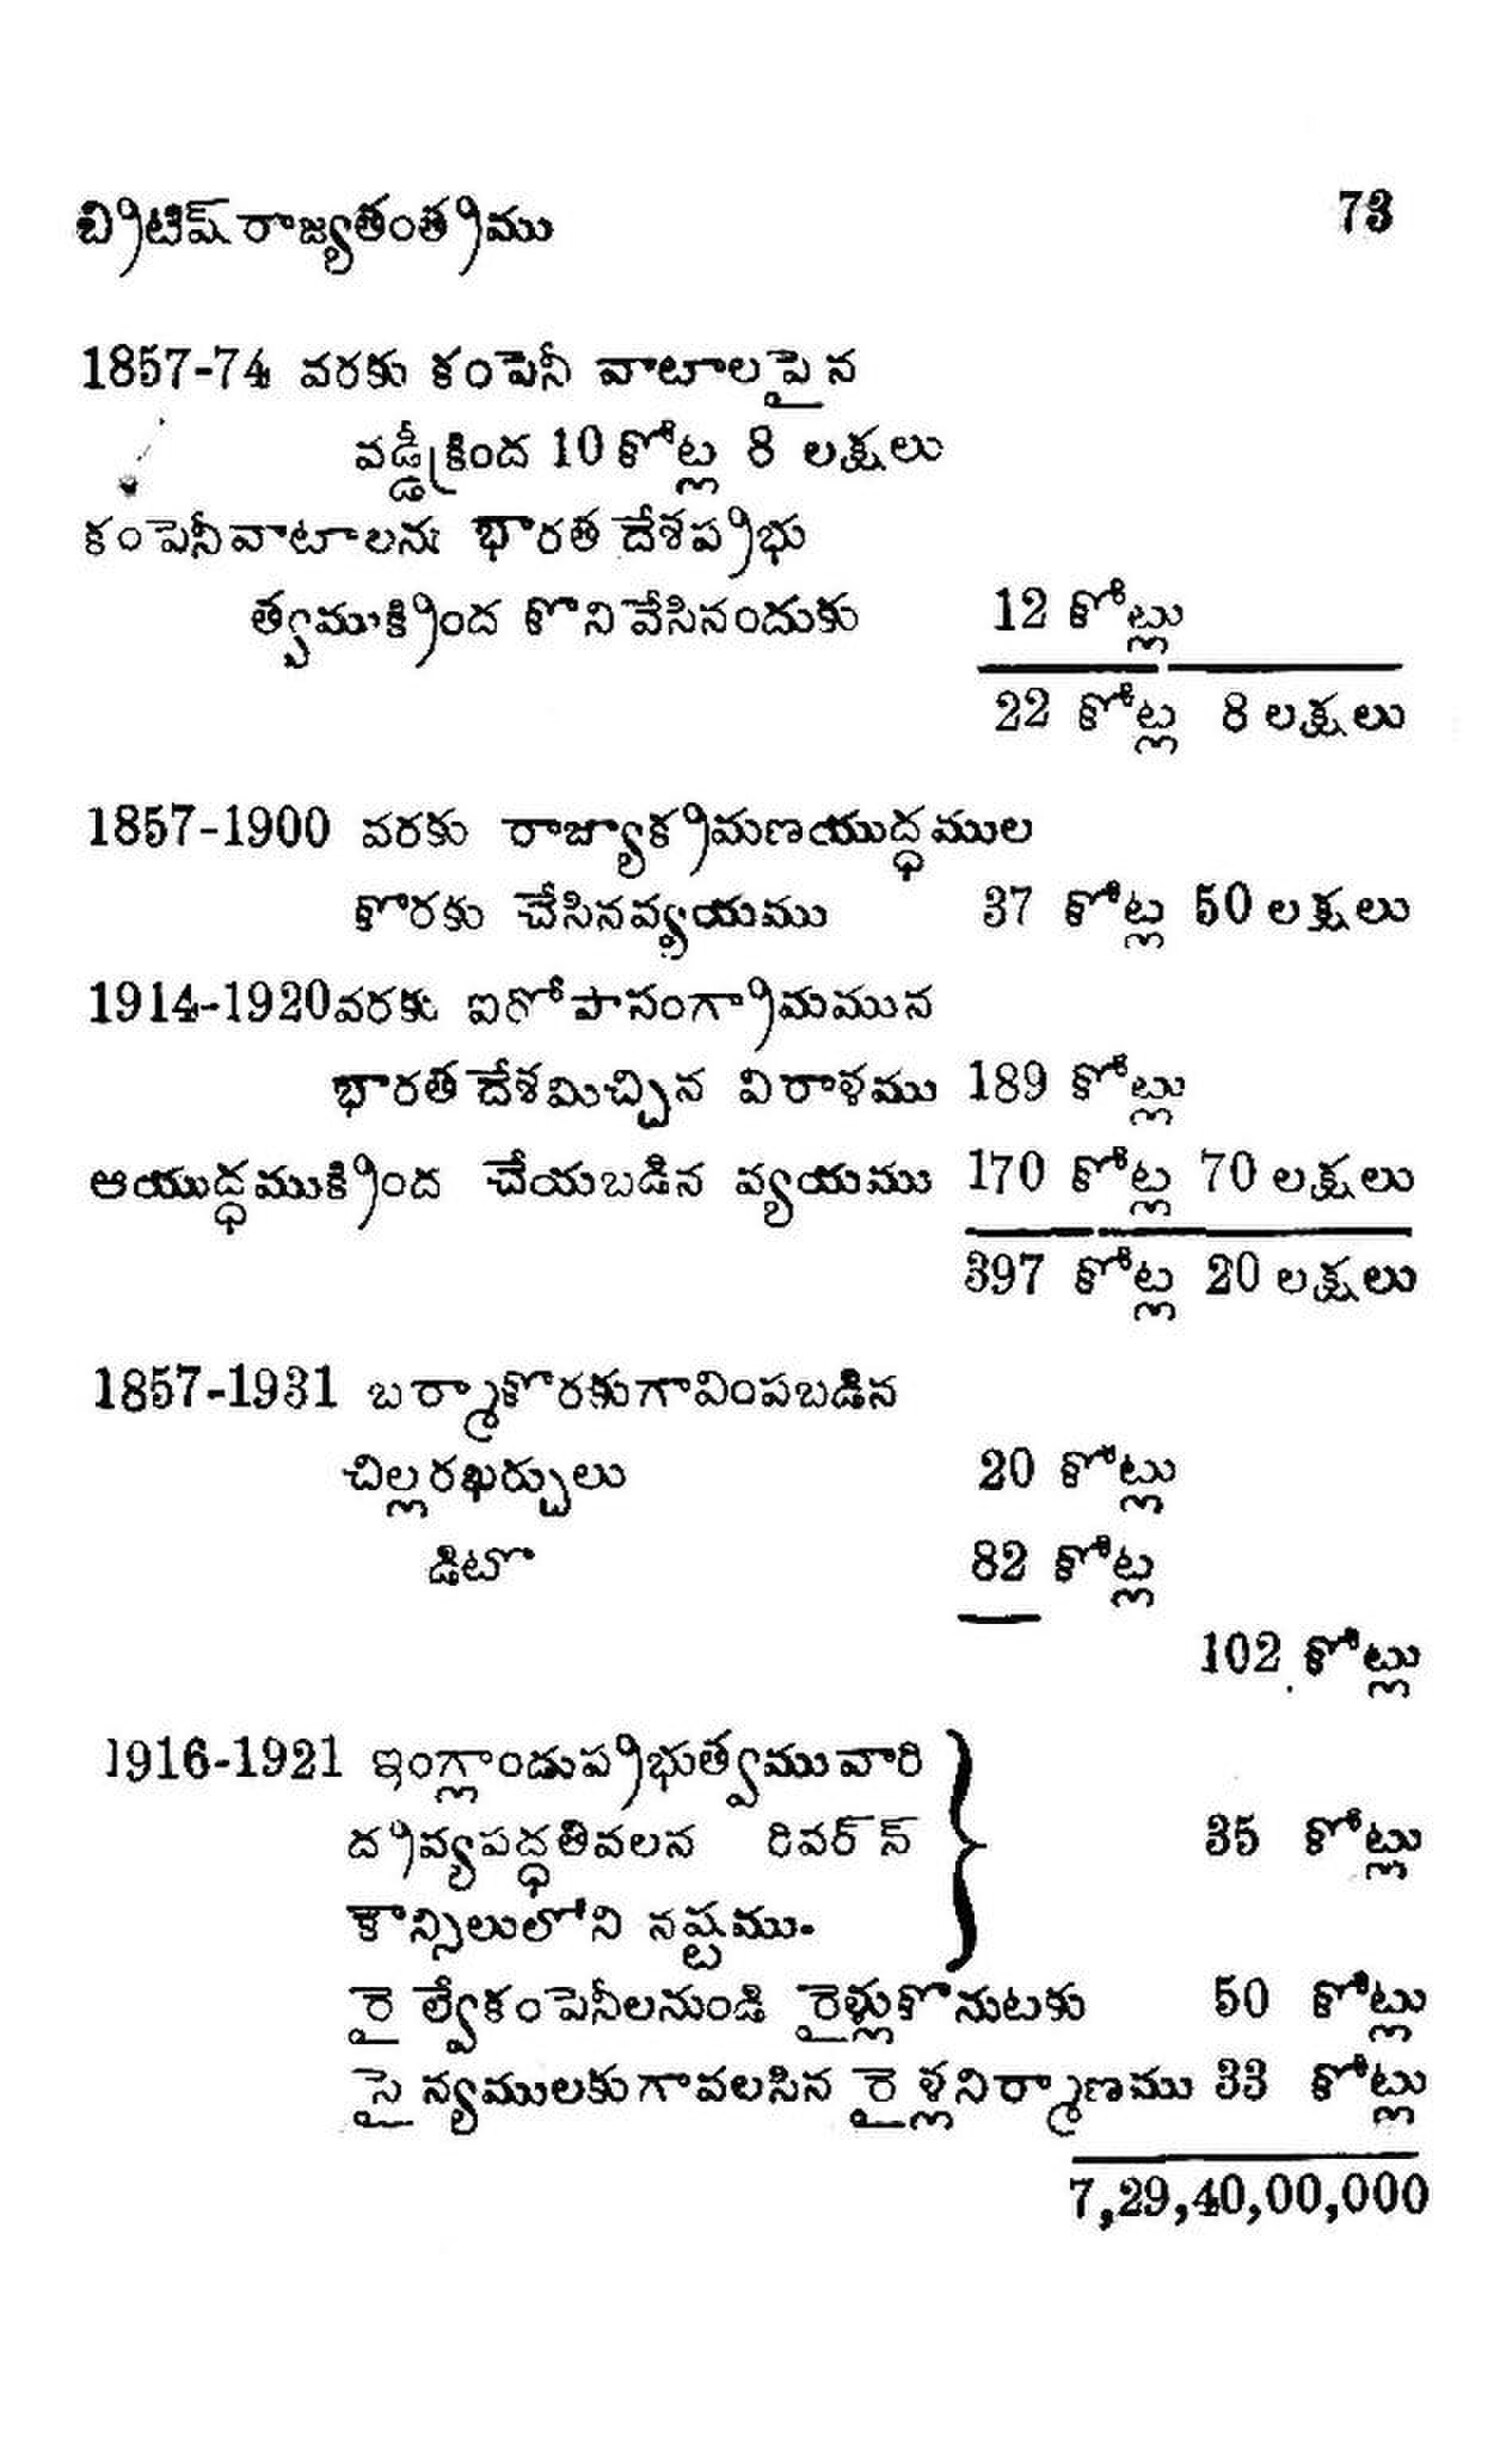1857 - 74 వరకు కంపెనీ వాటాలపైన వడ్డీక్రింద 10 కోట్ల 8 లక్షలు

కంపెనీవాటాలను భారతదేశప్రభుత్వముక్రింద కొనివేసినందుకు 12 కోట్లు = 22 కోట్ల 8 లక్షలు

1857 - 1900 వరకు రాజ్యాక్రమణయుద్ధములకొరకు చేసినవ్యయము 37 కోట్ల 50 లక్షలు

1914 - 1920 వరకు ఐరోపాసంగ్రామమున భారతదేశమిచ్చిన విరాళము 189 కోట్లు

ఆయుద్ధముక్రింద చేయబడిన వ్యయము 170 కోట్ల 70 లక్షలు = 397 కోట్ల 20 లక్షలు

1857 - 1931 బర్మాకొరకుగావింపబడిన చిల్లరఖర్చులు 20 కోట్లు

డిటో 82 కోట్లు = 102 కోట్లు

1916 - 1921 ఇంగ్లాండుప్రభుత్వమువారి ద్రవ్యపద్ధతివలన రివర్‌స్ కౌన్సిలులోని నష్టము 35 కోట్లు

రైల్వేకంపెనీలనుండి రైళ్లుకొనుటకు 50 కోట్లు

సైన్యములకుగావలసిన రైళ్లనిర్మాణము 33 కోట్లు = 7,29,40,00,000